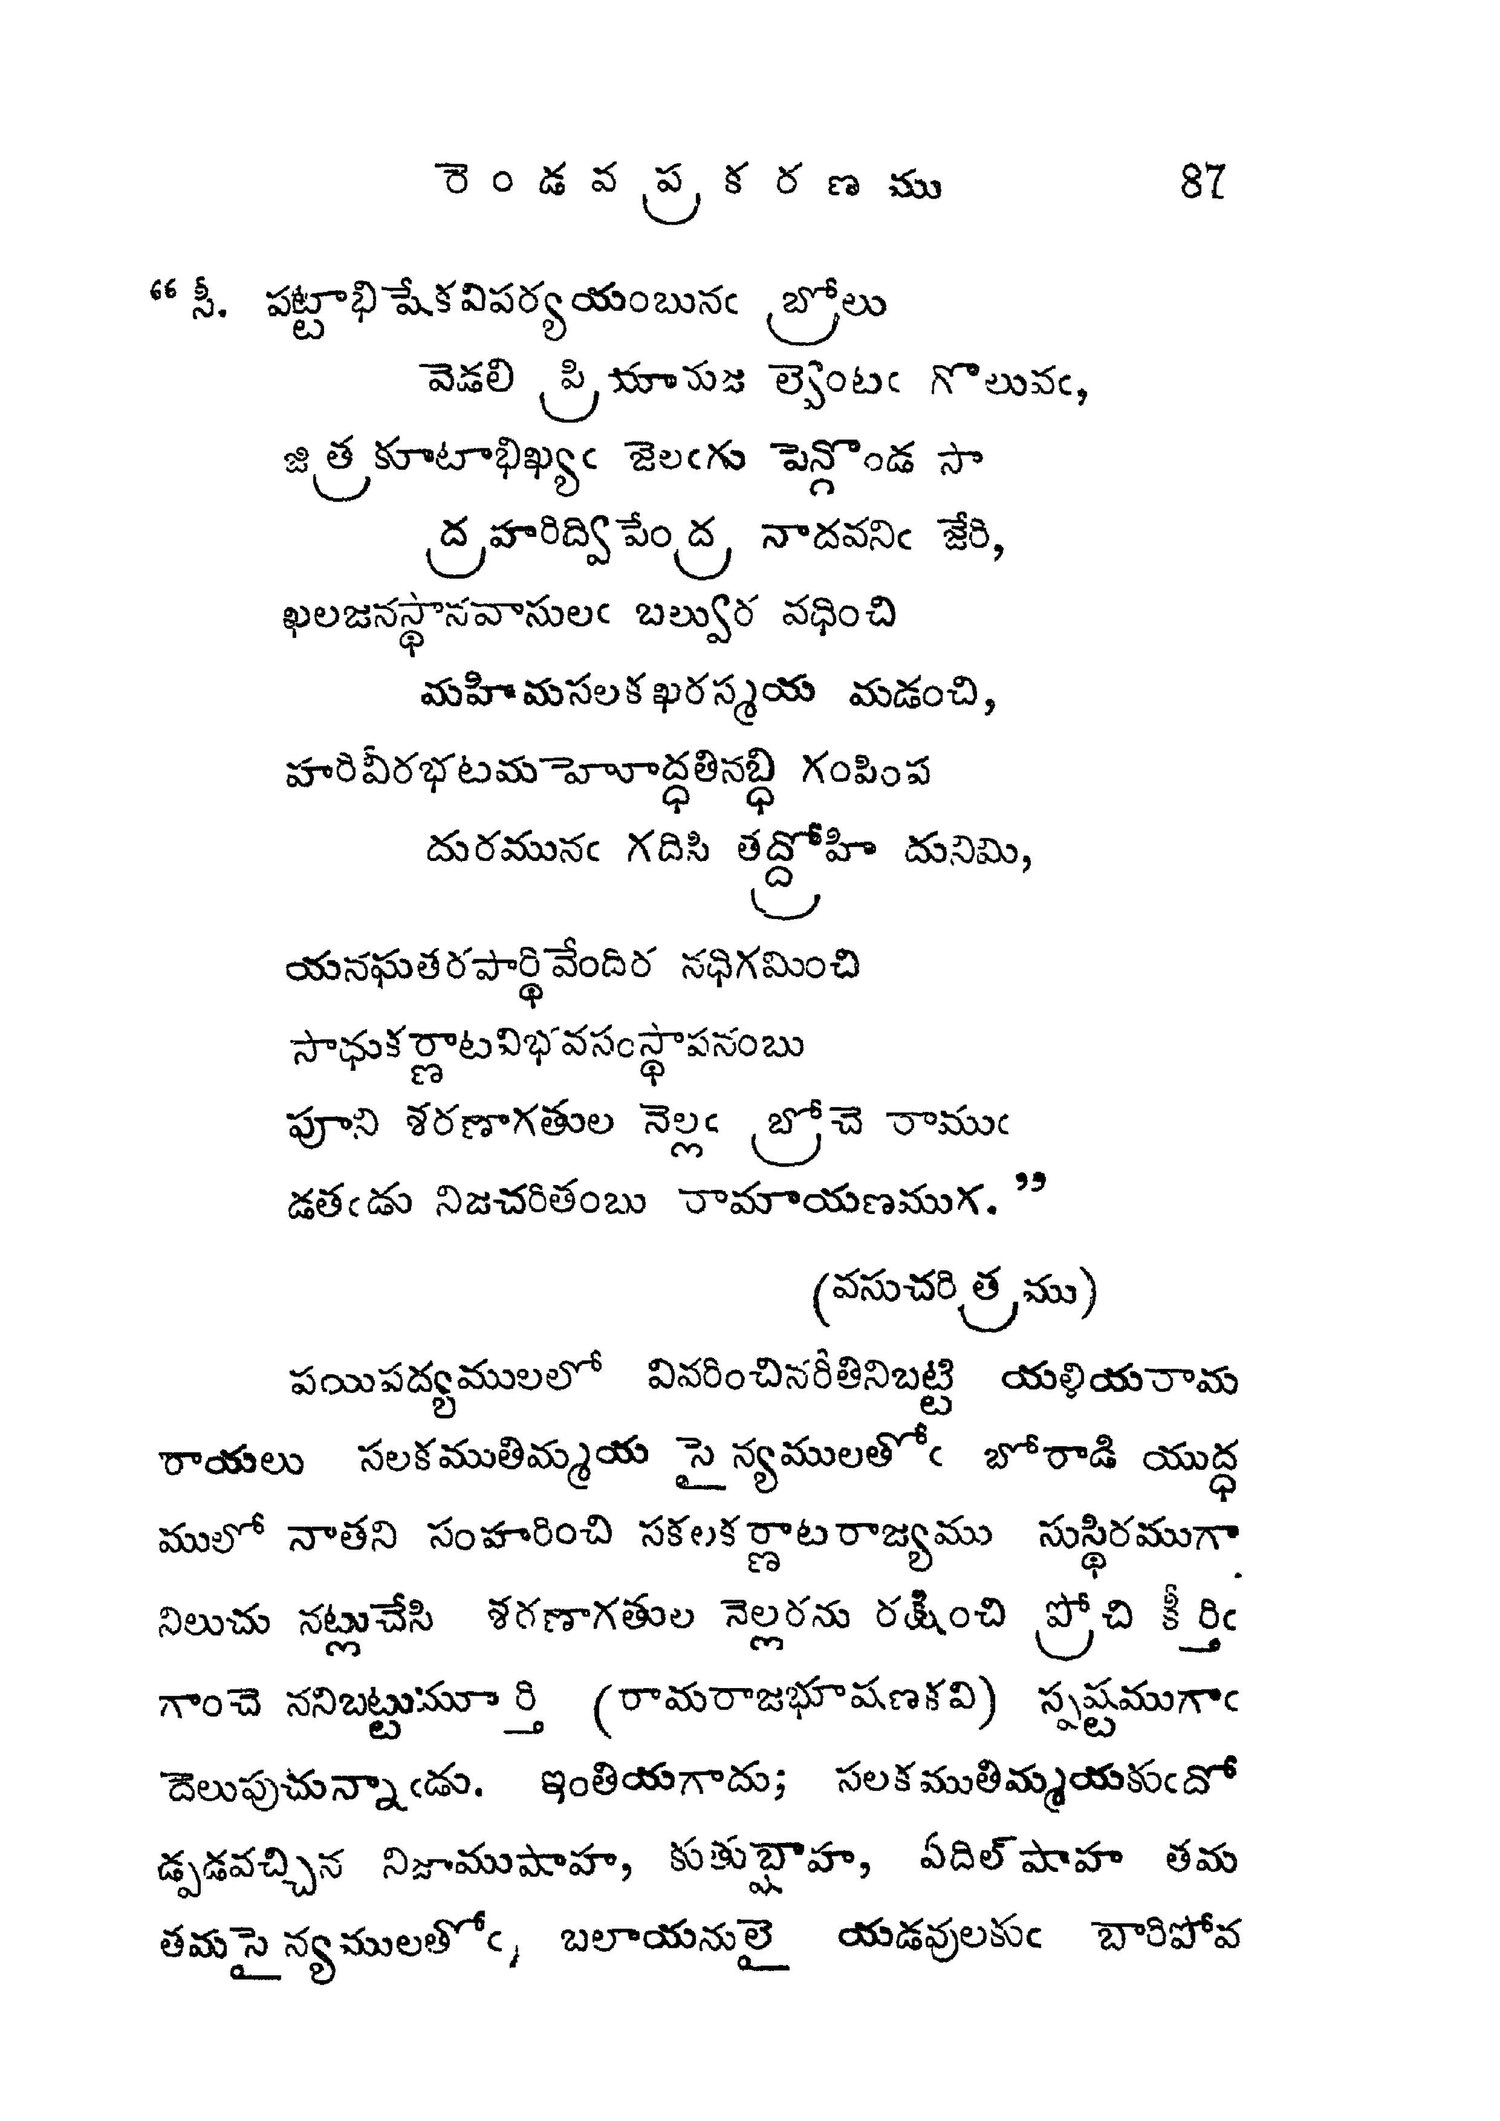"సీ. పట్టాభిషేకవిపర్యయంబున బ్రోలు
 వెడలి ప్రియానుజ ల్వెంట గొలువ
 జిత్రకూటాభిఖ్య జెలగు పెన్గొండ సా
 ద్రహరిద్విపేంద్ర నాదవని జేరి,
 ఖలజనస్థానవాసుల బల్వుర వధించి
 మహిమసలకఖరస్మయ మడంచి,
 హరివీరభటమహోద్ధతినబ్ధి గంపింప
 దురమున గదిసి తద్ద్రోహి దునిమి,

 యనఘతరపార్థివేందిర నధిగమించి
 సాధుకర్ణాటవిభవసంస్థాపనంబు
 పూని శరణాగతుల నెల్ల బ్రోచె రాము
 డతడు నిజచరితంబు రామాయణముగ."
 (వసుచరిత్రము)

పయిపద్యములలో వివరించినరీతినిబట్టి యళియరామరాయలు సలకముతిమ్మయ సైన్యములతో బోరాడి యుద్ధములో నాతని సంహరించి సకలకర్ణాటరాజ్యము సుస్థిరముగా నిలుచు నట్లుచేసి శరణాగతుల నెల్లరను రక్షించి ప్రోచి కీర్తిగాంచె ననిబట్టుమూర్తి (రామరాజభూషణకవి) స్పష్టముగా దెలుపుచున్నాడు. ఇంతియగాదు; సలకముతిమ్మయకు దోడ్పడవచ్చిన నిజాముషాహ, కుతుబ్షాహ, ఏదిల్‌షాహ తమ తమసైన్యములతో, బలాయనులై యడవులకు బారిపోవ